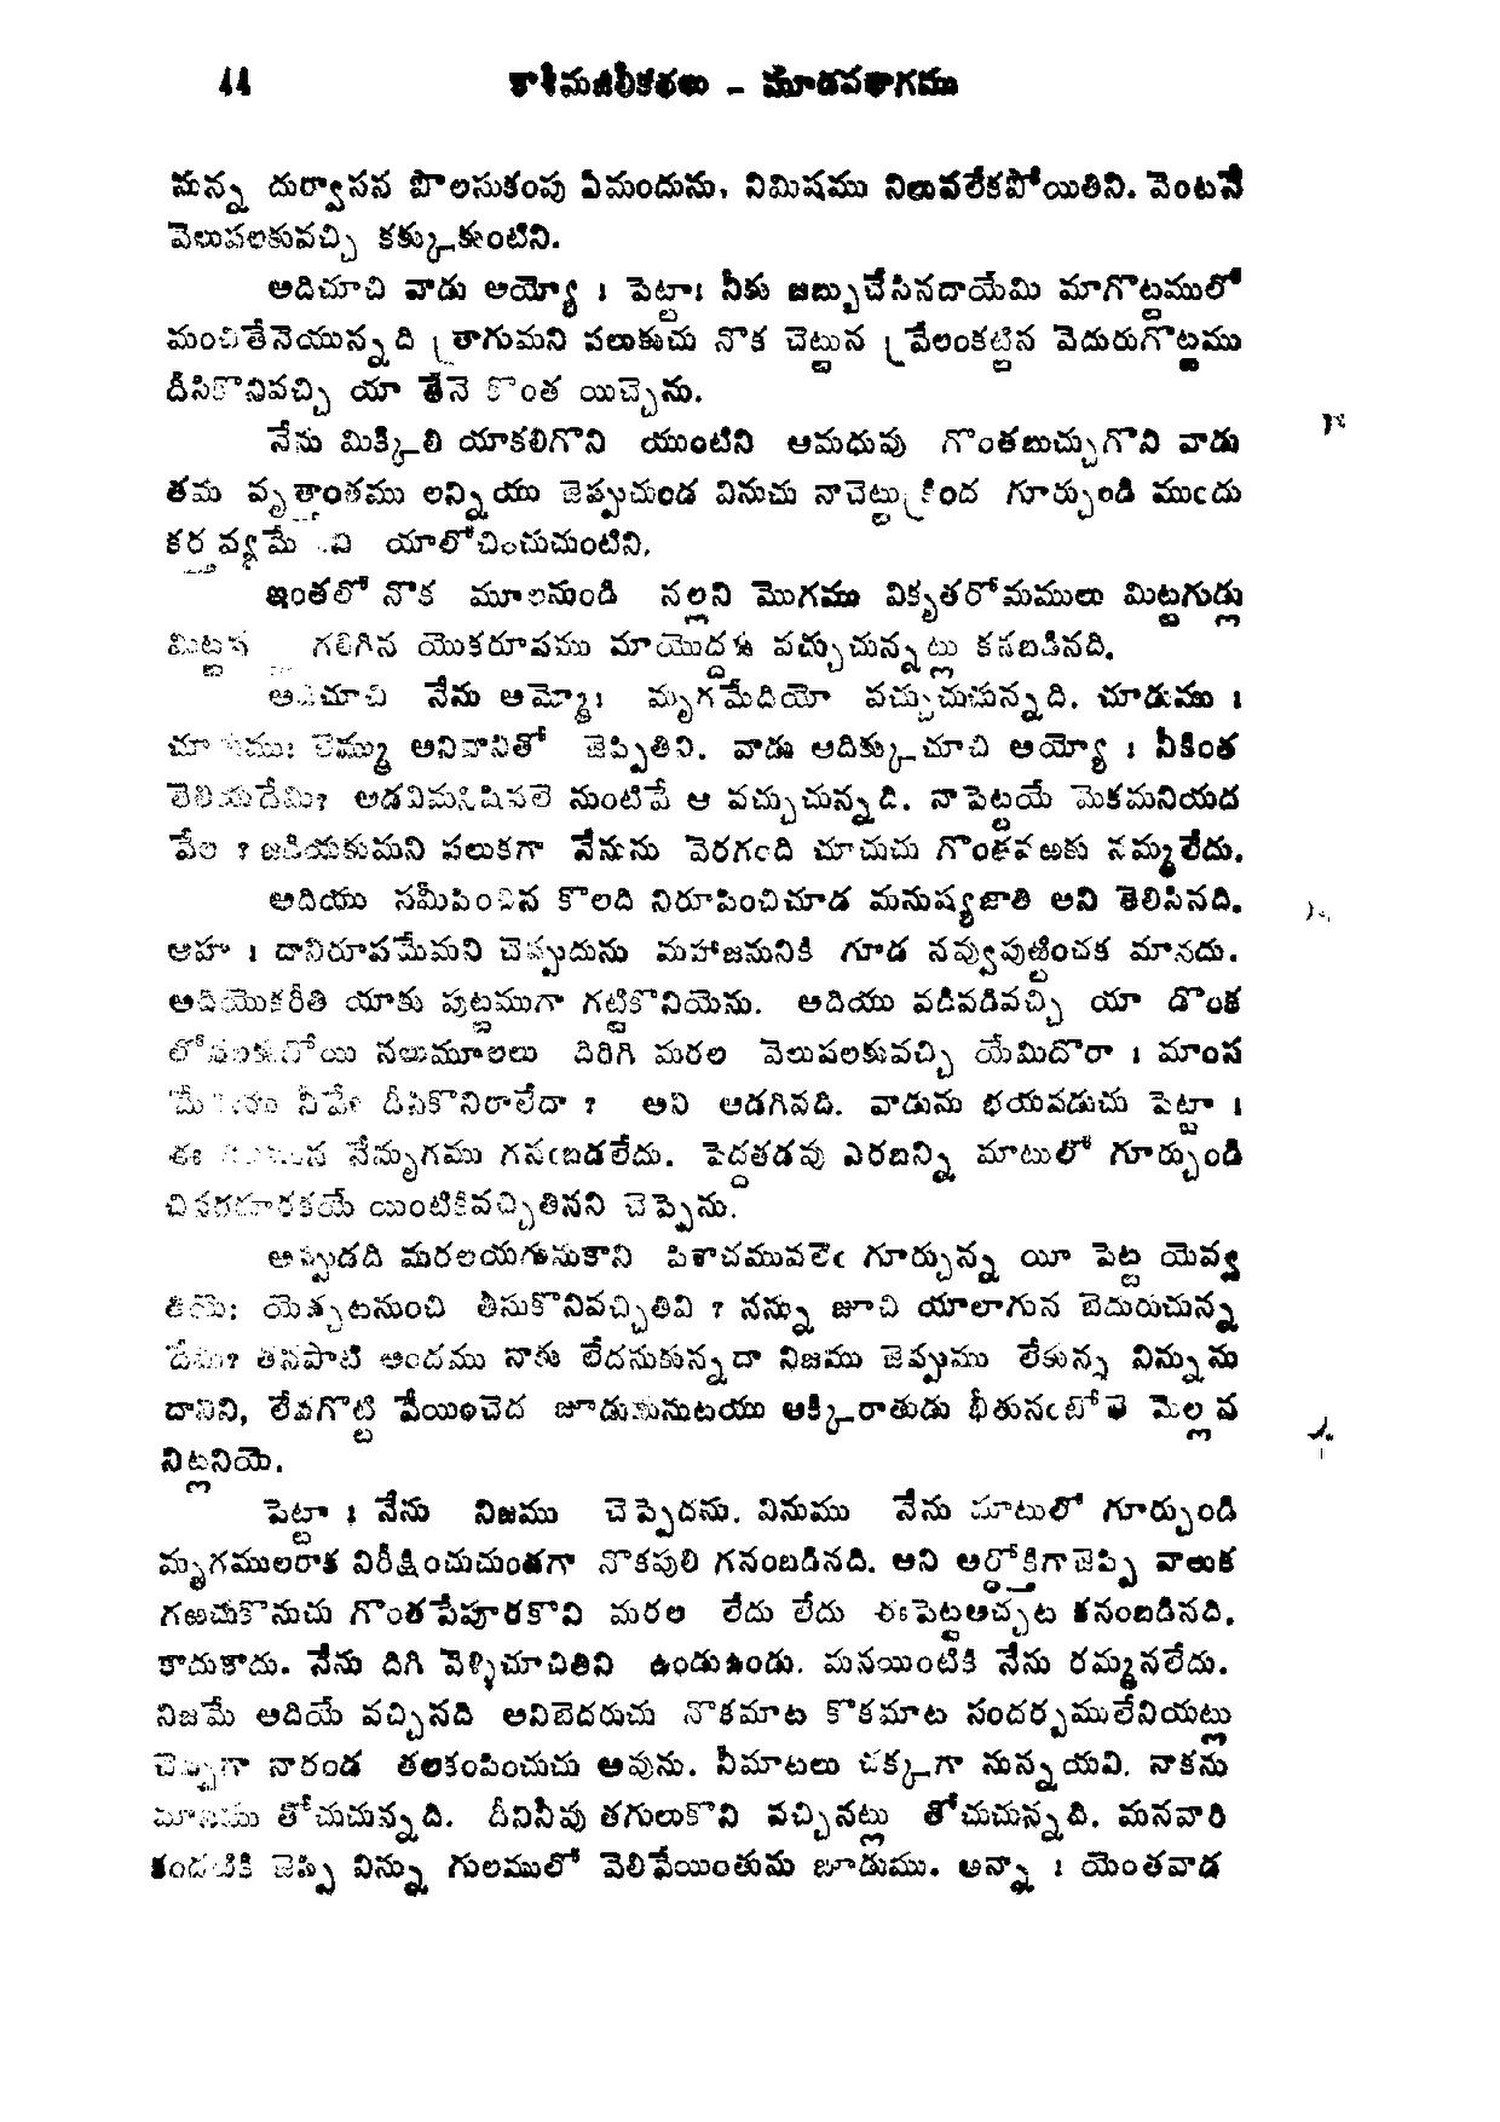నున్న దుర్వాసన పొలసుకంపు ఏమందును. నిమిషము నిలువలేకపోయితిని. వెంటనే వెలుపలకు వచ్చి కక్కుకుంటిని.

అదిచూచి వాడు అయ్యో! పెట్టా! నీకు జబ్బుచేసినదాయేమి మాగొట్టములో మంచితేనెయున్నది త్రాగుమని పలుకుచు నొక చెట్టున వ్రేలంకట్టిన వెదురుగొట్టము దీసికొనివచ్చి యా తేనె కొంత యిచ్చెను.

నేను మిక్కిలి యాకలిగొని యుంటిని ఆమధువు గొంతబుచ్చుకొని వాడు తమ వృత్తాంతము లన్నియు జెప్పుచుండ వినుచు నాచెట్టుక్రింద గూర్చుండి ముందు కర్తవ్యమేమని యాలోచించుచుంటిని.

ఇంతలో నొక మూలనుండి నల్లని మొగము వికృతరోమములు మిట్టగుడ్లు మిట్టకు గలిగిన యొకరూపము మాయొద్దకు వచ్చుచున్నట్లు కనబడినది.

అదిచూచి నేను ఆమ్మో! మృగమేదియో వచ్చుచుచున్నది. చూడుము! చూడుము? లెమ్ము అనివానితో చెప్పితిని. వాడు ఆదిక్కు చూచి అయ్యో! నీకింత తెలియదేమి? అడవిమనిషివలె నుంటివే ఆ వచ్చుచున్నది. నాపెట్టయే మెకమనియద వేల? జడియకుమని పలుకగా నేనును వెరగంది చూచుచు గొంతవఱకు నమ్మలేదు.

అదియు సమీపించిన కొలది నిరూపించిచూడ మనుష్యజాతి అని తెలిసినది. ఆహ! దానిరూప మేమని చెప్పుదును మహాజనునికి గూడ నవ్వుపుట్టించక మానదు. అదియొకరీతి యాకు పుట్టముగా గట్టికొనియెను. అదియు వడివడివచ్చి యా డొంకలోపలకుబోయి నలుమూలలు దిరిగి మరల వెలుపలకువచ్చి యేమిదొరా! మాంస మేమియుం నీవేళ దీసికొనిరాలేదా ? అని అడగినది. వాడును భయపడుచు పెట్ ! ఈ దినమున నేమృగము గనఁబడలేదు. పెద్దతడవు ఎరబన్ని మాటులో గూర్చుండి చివరకూరకయే యింటికివచ్చితినని చెప్పెను.

అప్పుడది మరలయగునుకాని పిశాచమువలెఁ గూర్చున్న యీ పెట్ట యెవ్వతియె; యెచ్చటనుంచి తీసుకొనివచ్చితివి? నన్ను జూచి యాలాగున బెదురుచున్న దేమి.? తనపాటి అందము నాకు లేదనుకున్నదా నిజము జెప్పుము లేకున్న నిన్ను ను దానిని, లేవగొట్టి వేయించెద జూడుమనుటయు అక్కిరాతుడు భీతునఁబోలె మెల్లన నిట్లనియె.

పెట్టా! నేను నిజము చెప్పెదను. వినుము నేను మాటులో గూర్చుండి మృగములరాక నిరీక్షించుచుండగా నొకపులి గనంబడినది. అని అర్దోక్తిగాజెప్పి నాలుక గఱచుకొనుచు గొంతసేపూరకొని మరల లేదు లేదు. ఈపెట్ట అచ్చట కనంబడినది. కాదుకాదు. నేను దిగి వెళ్ళిచూచితిని ఉండుఉండు. మనయింటికి నేను రమ్మనలేదు. నిజమే అదియే వచ్చినది అనిబెదరుచు నొకమాట కొకమాట సందర్బములేనియట్లు చెప్పగా నారండ తలకంపించుచు అవును. నీమాటలు చక్కగా నున్న యవి. నాకనుమానము తోచుచున్నది. దీనినీవు తగులుకొని వచ్చినట్లు తోచుచున్నది. మనవారి కందఱికి జెప్పి నిన్ను గులములో వెలివేయింతుమ జూడుము. అన్నా! యెంతవాడ